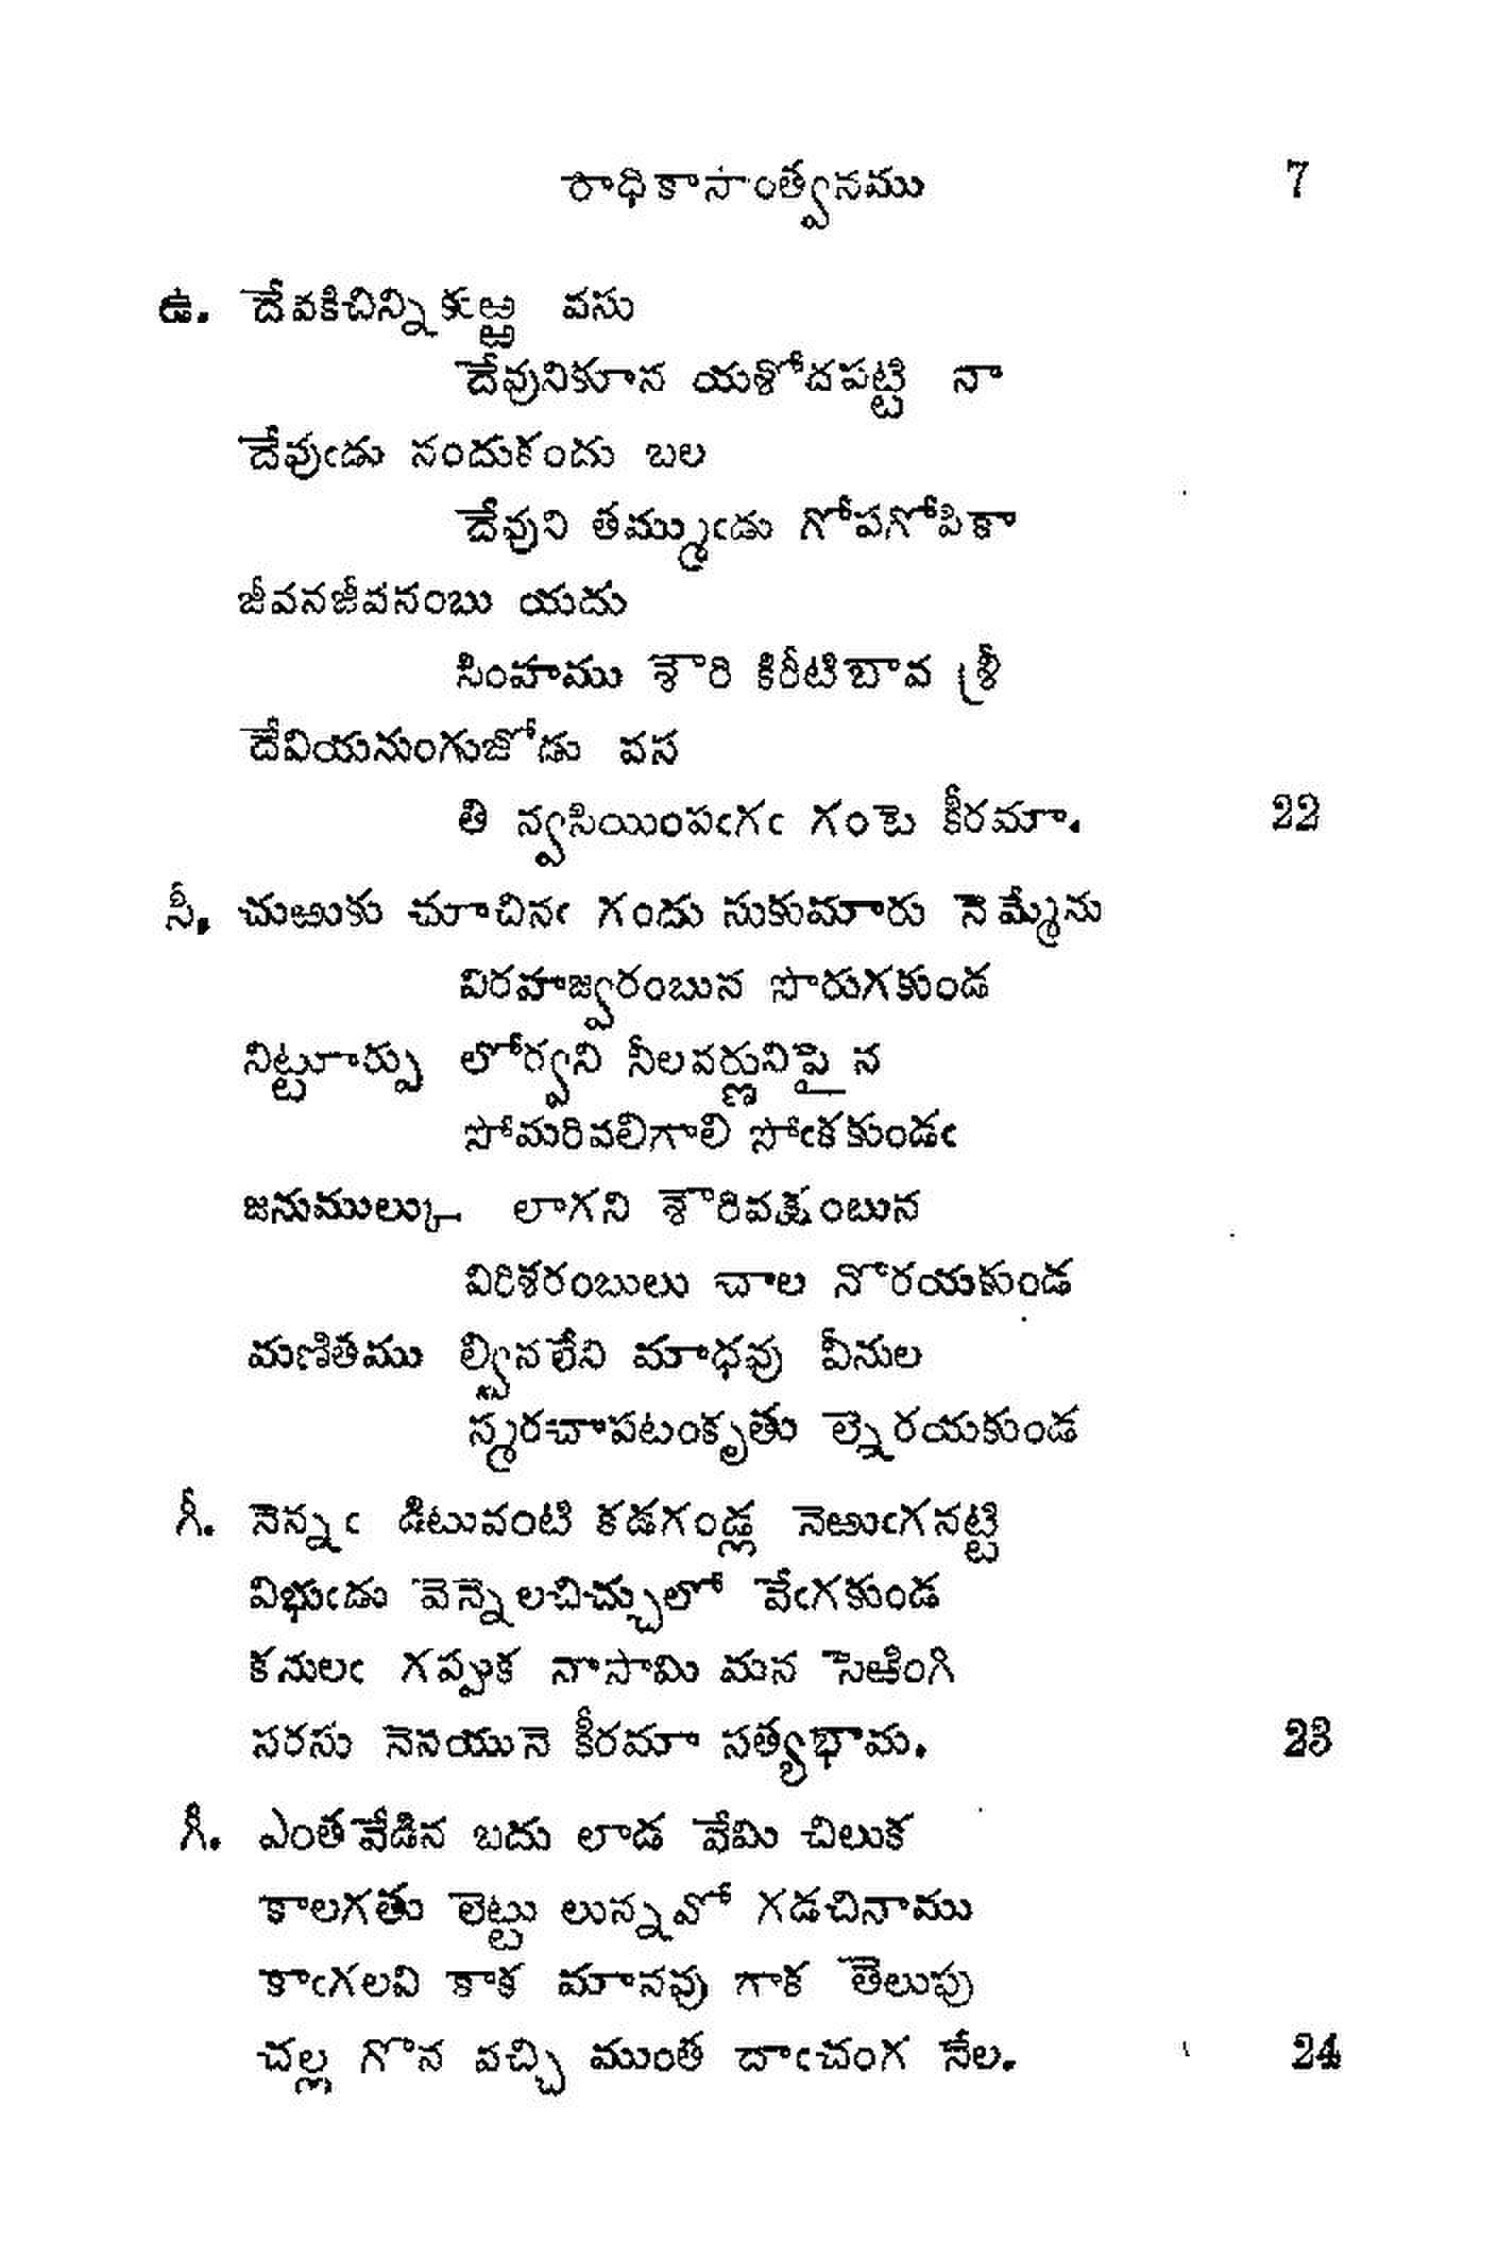ఉ. దేవకిచిన్నికుఱ్ఱ వసుదేవునికూన యశోదపట్టి నా
దేవుఁడు నందుకందు బలదేవుని తమ్ముఁడు గోపగోపికా
జీవనజీవనంబు యదుసింహము శౌరి కిరీటిబావ శ్రీ
దేవియనుంగుజోడు వసతి న్వసియింపఁగఁ గంటె కీరమా. 22

సీ. చుఱుకు చూచినఁ గందు సుకుమారు నెమ్మేను
విరహజ్వరంబున సొరుగకుండ
నిట్టూర్పు లోర్వని నీలవర్లునిపైన
సోమరివలిగాలి సోఁకకుండఁ
జనుముల్కు లాగని శౌరివక్షంబున
విరిశరంబులు చాల నొరయకుండ
మణితము ల్వినలేని మాధవు వీనుల
స్మరచాపటంకృతు ల్నెరయకుండ
గీ. నెన్నఁ డిటువంటి కడగండ్ల నెఱుఁగనట్టి
విభుఁడు వెన్నెలచిచ్చులో వేఁగకుండ
కనులఁ గప్పుక నాసామి మన సెఱింగి
సరసు నెనయునె కీరమా సత్యభామ. 23

గీ. ఎంతవేడిన బదు లాడ వేమి చీలుక
కాలగతు లెట్టు లున్నవో గడచినాము
కాఁగలవి కాక మానవు గాక తెలుపు
చల్ల గొన వచ్చి ముంత దాఁచంగ నేల. 24